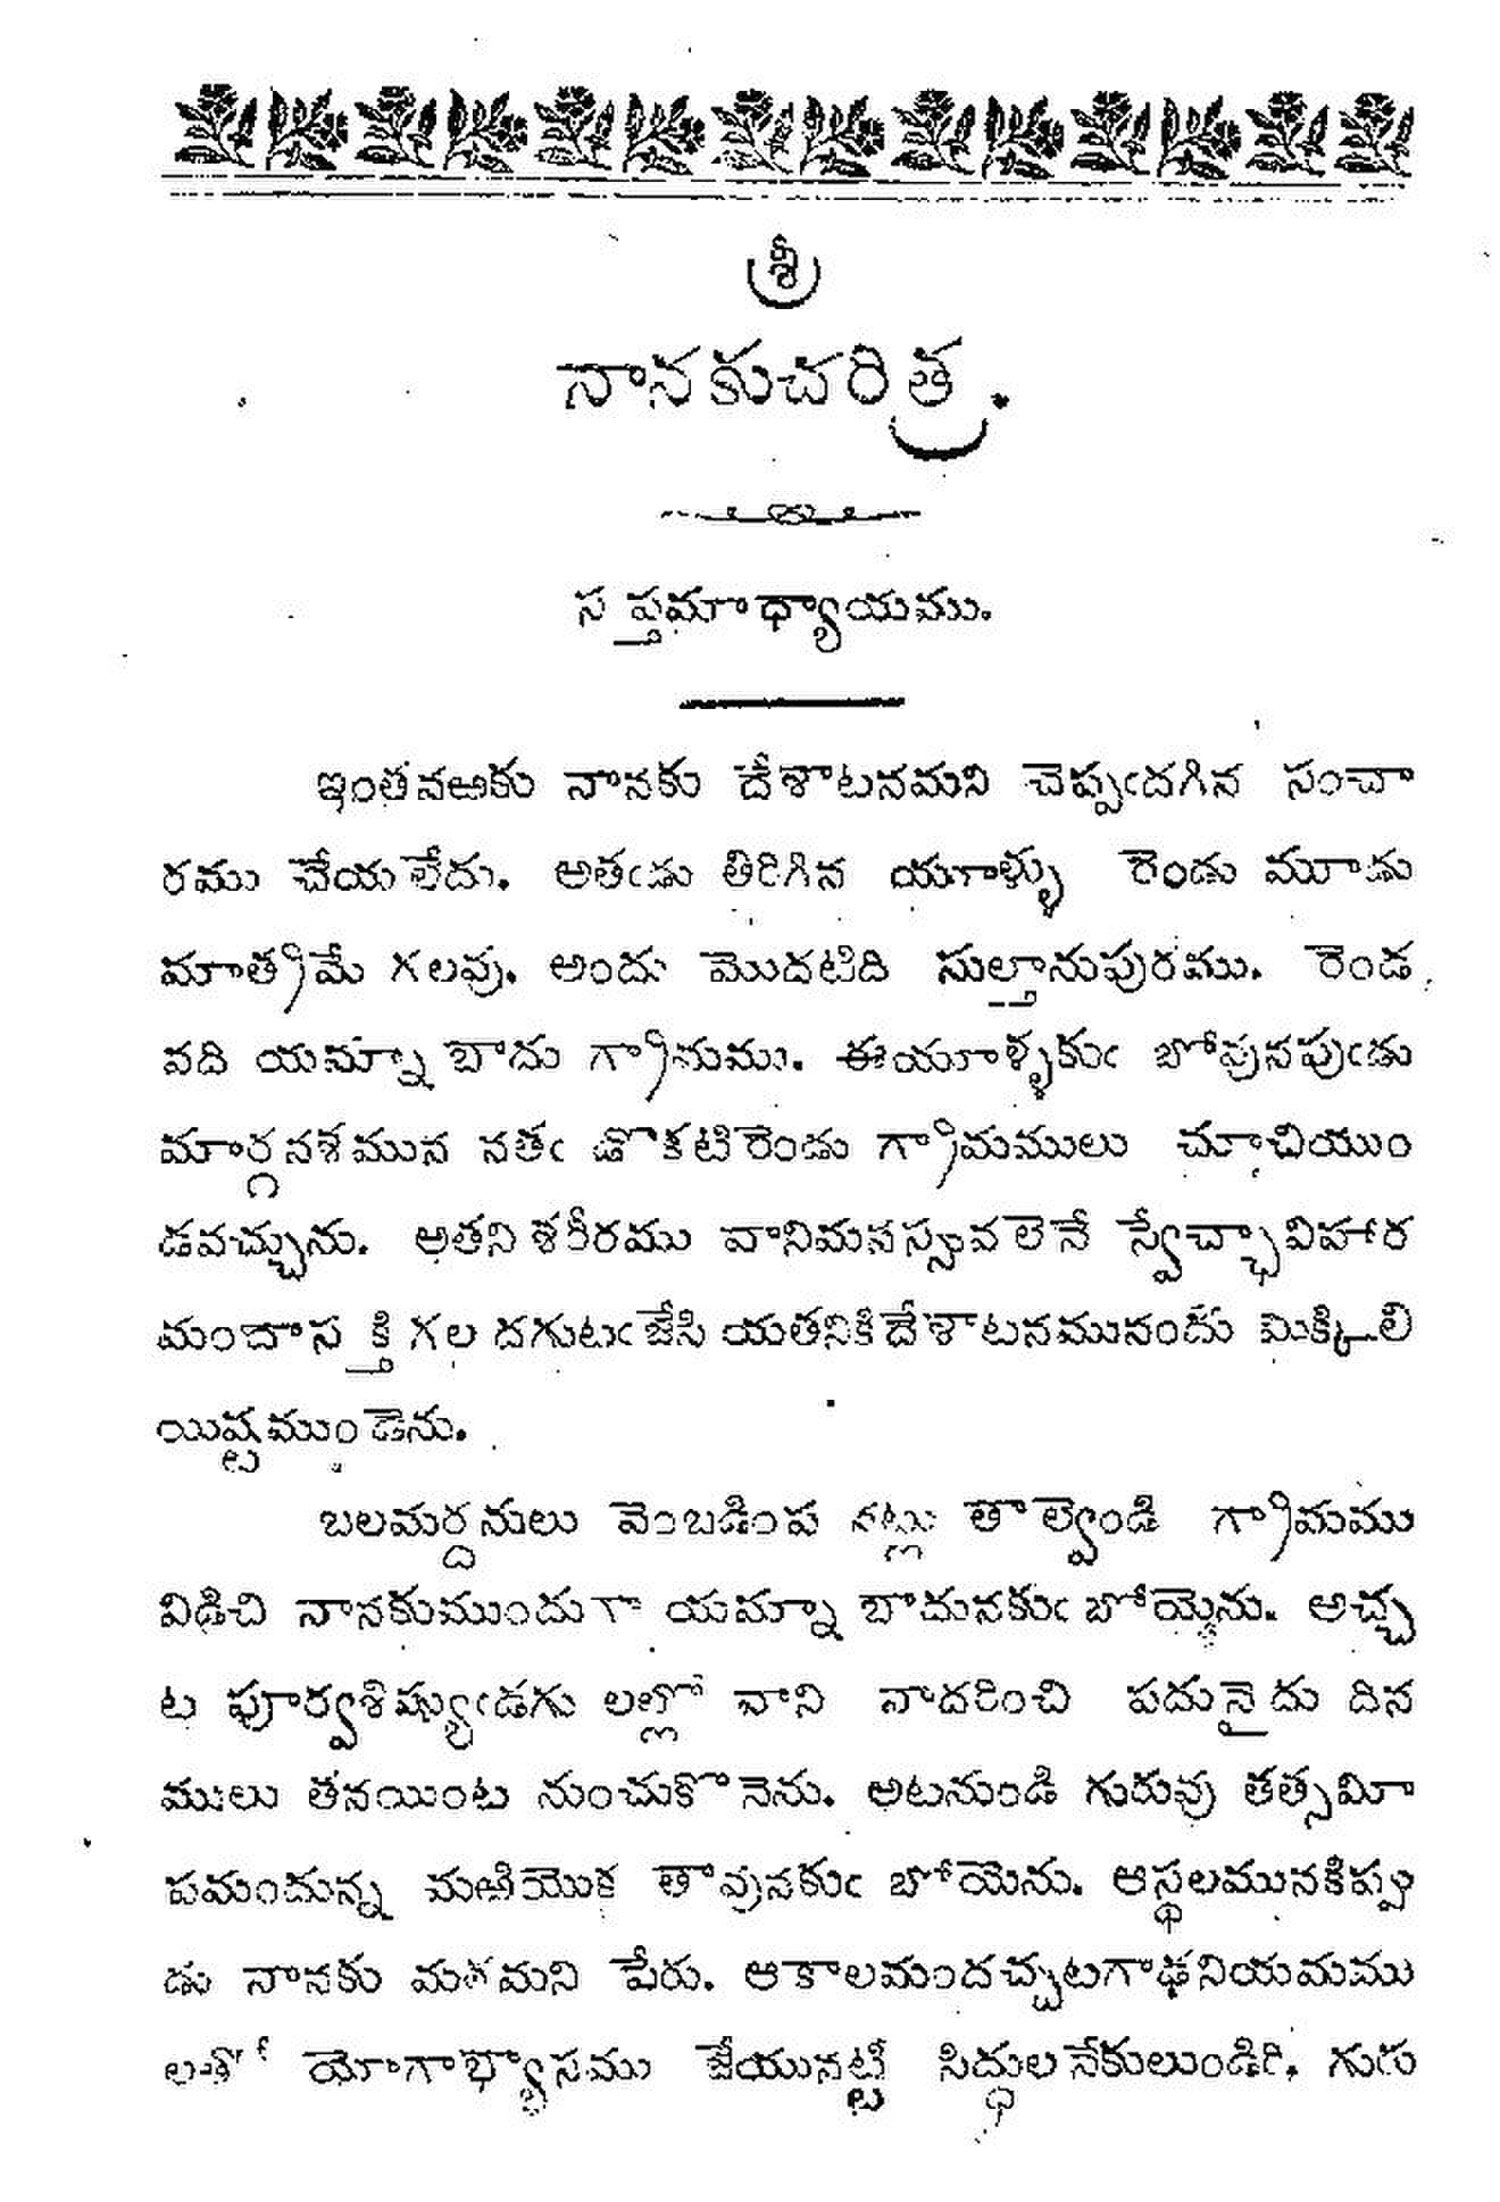ఇంతవఱకు నానకు దేశాటనమని చెప్పదగిన సంచారము చేయలేదు. అతడు తిరిగిన యూళ్ళు రెండు మూడు మాత్రమే గలవు. అందు మొదటిది సుల్తానుపురము. రెండవది యమ్నాబాదు గ్రామము. ఈయూళ్ళకు బోవునప్పుడు మార్గవశమున నత డొకటిరెండు గ్రామములు చూచియుండవచ్చును. అతని శరీరము వానిమనస్సువలెనే స్వేచ్ఛావిహార మందాసక్తిగల దగుటజేసి యతనికి దేశాటనమునందు మిక్కిలి యిష్టముండెను.

బలమర్దనులు వెంబడింప నట్లు తాల్వెండి గ్రామము విడిచి నానకుముందుగా యమ్నా బాదునకు బోయెను. అచ్చట పూర్వశిష్యుడగు లల్లో వాని నాదరించి పదునైదు దినములు తనయింట నుంచుకొనెను. అటనుండి గురువు తత్సమీపమందున్న మఱియొక తావునకు బోయెను. ఆస్థలమునకిప్పుడు నానకు మఠమని పేరు. ఆకాలమందచ్చటగాడనియమములతో యోగాభ్యాసము జేయునట్టి సిద్ధులనేకులుండిరి. గురు